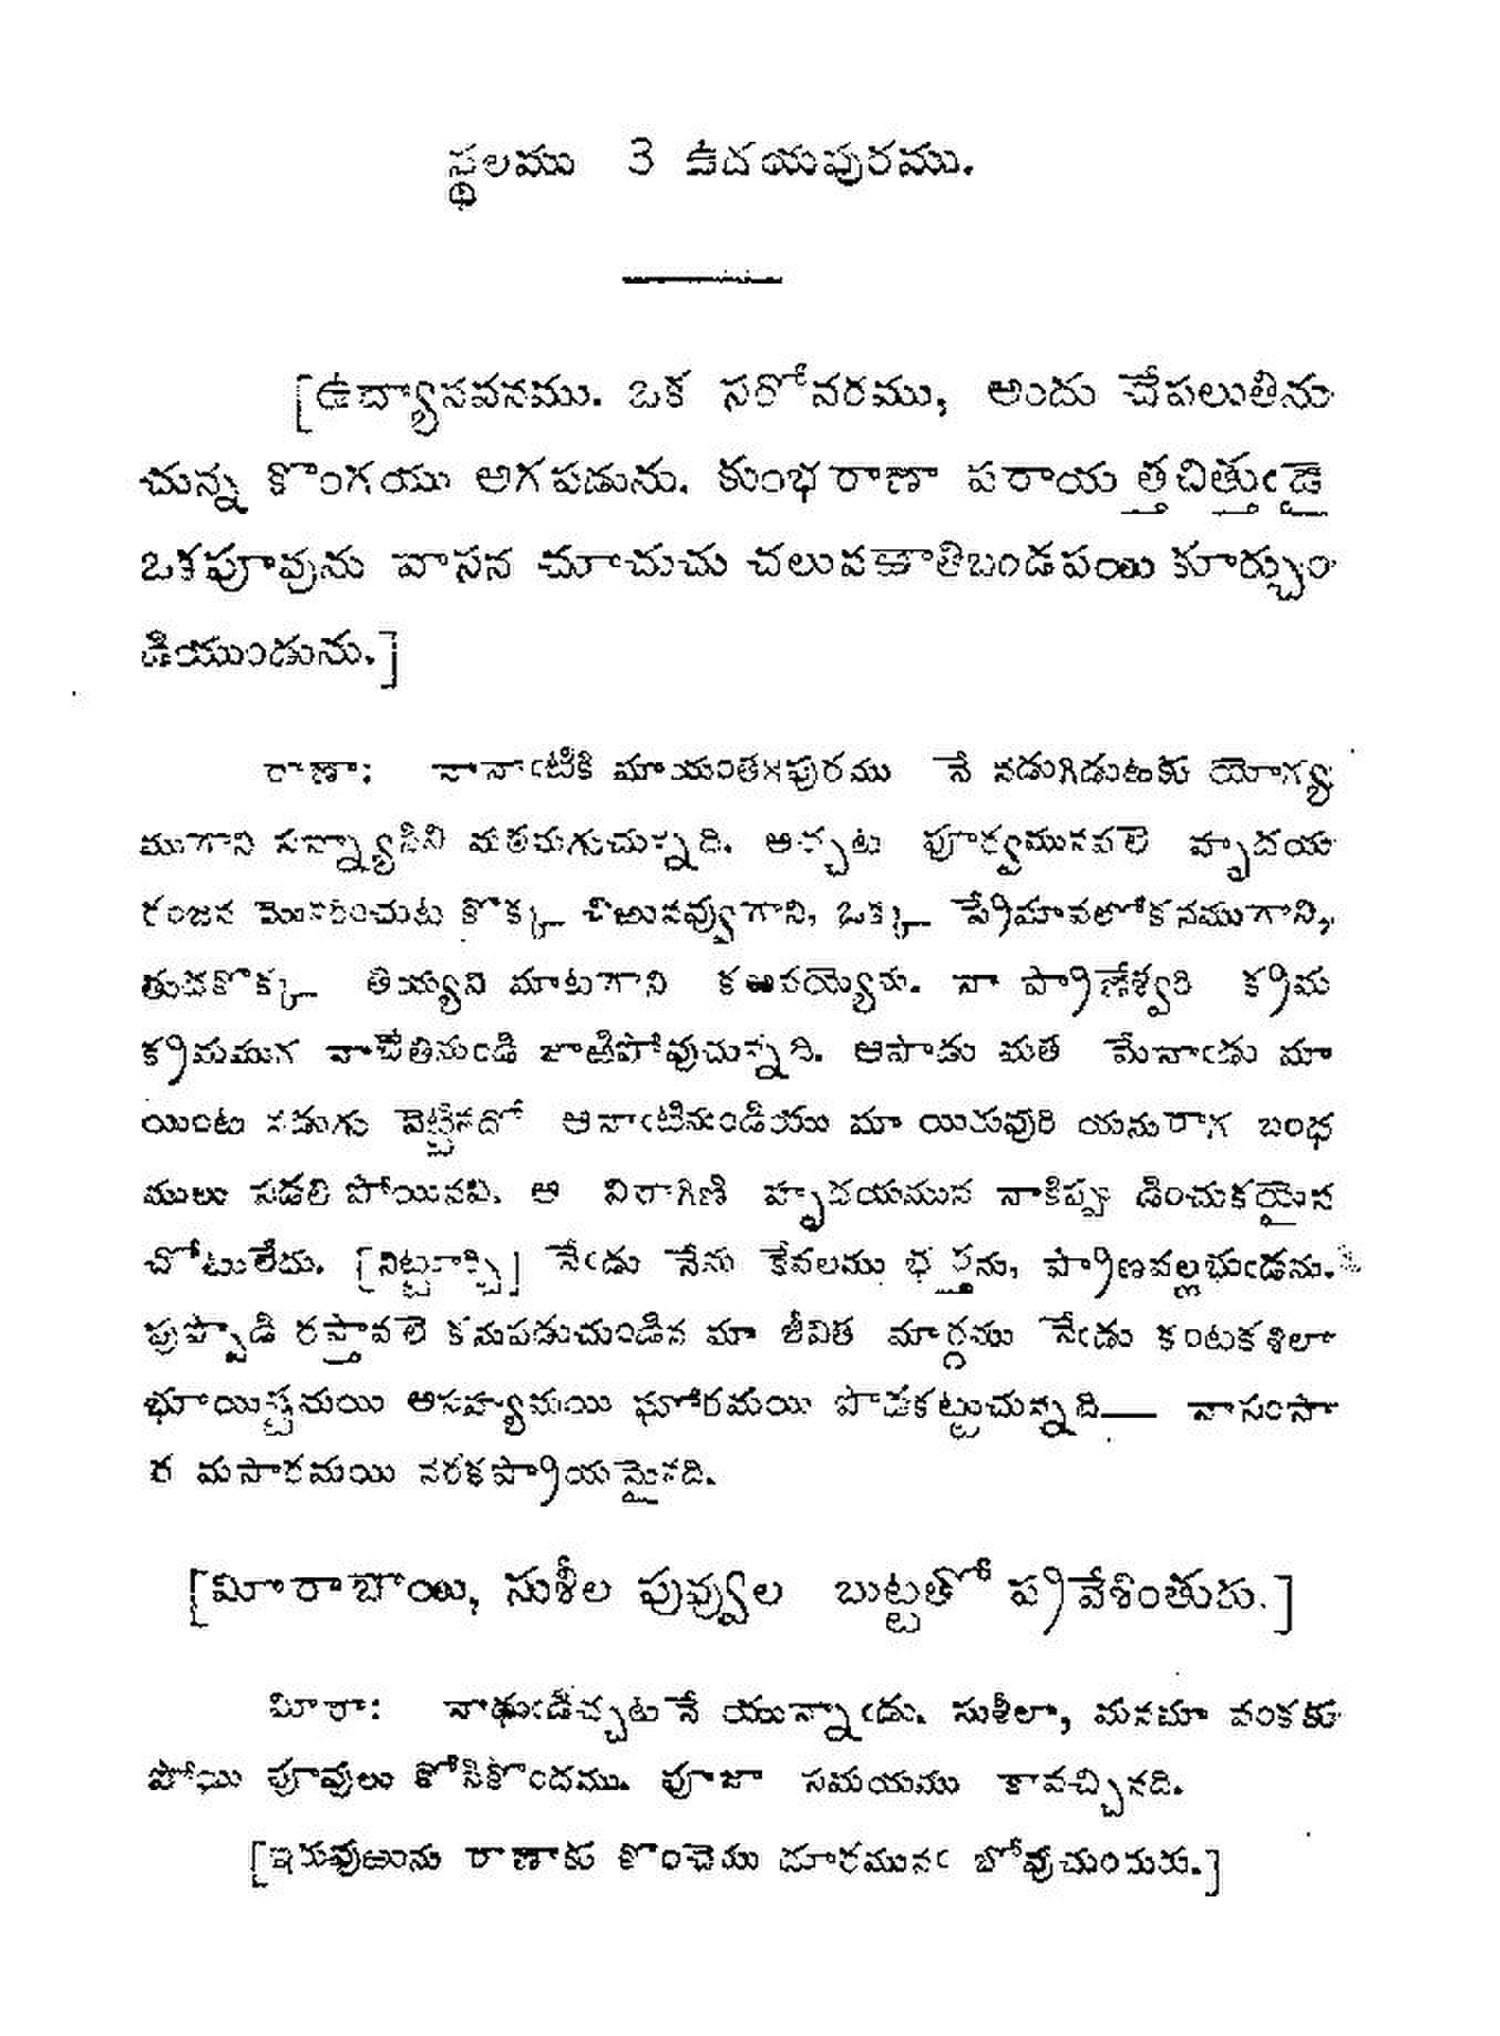రాణా : నానాఁటికి మాయంత:పురము నే నడుగిడుటకు యోగ్యముగాని సన్న్యాసిని మఠమగుచున్నది. అచ్చట పూర్వమునవలె హృదయరంజన మొనరించుట కొక్క చిఱునవ్వుగాని, ఒక్క ప్రేమావలోకనముగాని, తుదకొక్క తియ్యని మాటగాని కఱవయ్యెను. నా ప్రాణేశ్వరి క్రమక్రమముగ నాచేతినుండి జాఱిపోవుచున్నది. ఆపాడు మత మేనాఁడు మా యింట నడుగు వెట్టినదో ఆనాఁటినుండియు మా యిరువురి యనురాగ బంధములు సడలి పోయినవి. ఆ విరాగిణి హృదయమున నాకిప్పు డించుకయైన చోటులేదు. [నిట్టూర్చి] నేఁడు నేను కేవలము భర్తను, ప్రాణవల్లభుఁడను. పుప్పొడి రస్తావలె కనుపడుచుండిన మా జీవిత మార్గము నేఁడు కంటకశిలా భూయిష్టమయి అసహ్యమయి ఘోరమయి పొడకట్టుచున్నది - నాసంసార మసారమయి నరకప్రాయమైనది.

మీరా : నాథుఁడిచ్చటనే యున్నాఁడు. సుశీలా, మనమా వంకకు పోయి పూవులు కోసికొందము. పూజా సమయము కావచ్చినది.